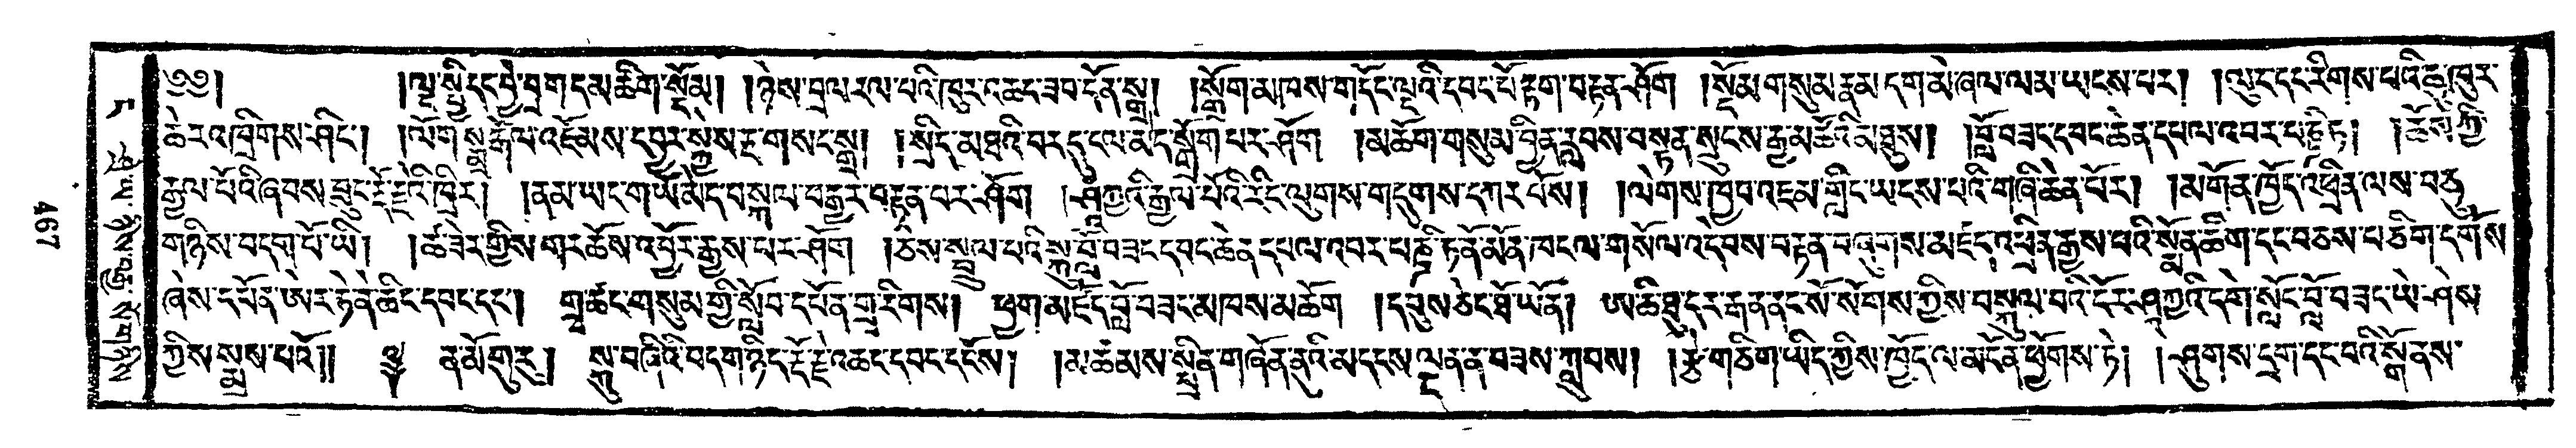༄༅། །ལྔ་སྤྱི་དང་བྱེ་བྲག་དམ་ཚིགས་སྔོམ། །ཉེས་བྲལ་རལ་པའི་ཁུར་འཆང་ཟབ་དོན་སྒྲ། །སྒྲོག་མཁས་གདོང་ལྔའི་དབང་པོ་རྟག་བརྟན་ཤོག །སྡོམ་གསུམ་རྣམ་དག་མེ་ཞལ་ལམ་ཡངས་པར། །ལུང་དང་རིགས་པའི་ཆུ་ཁུར་
ཆེར་འཁྲིགས་ཤིང་། །ལོག་སྨྲ་རྒོལ་འཇོམས་དབྱར་སྐྱེས་རྔ་གསང་སྒྲ། །སྲིད་མཐའི་བར་དུ་ངལ་མེད་སྒྲོག་པར་ཤོག །མཆོག་གསུམ་བྱིན་རླབས་བསྟན་སྲུངས་རྒྱ་མཚོའི་མཐུས། །བློ་བཟང་དབང་ཆེན་དཔལ་འབར་པཎྡིཏ། །ཆོས་ཀྱི་
རྒྱལ་པོའི་ཞབས་བྲུང་རྡོ་རྗེའི་ཁྲིར། །ནམ་ཡང་གཡོ་མེད་པ་སྐལ་བརྒྱར་བརྟན་པར་ཤོག །ཤའྐྱའི་རྒྱལ་པོའི་རིང་ལུགས་གདུགས་དཀར་པོས། །ལེགས་ཁྱབ་འཇམ་གླིང་ཡངས་པའི་གཞི་ཆེན་པོར། །མགོན་ཁྱོད་འཕྲིན་ལས་བཅུ་
གཉིས་བདག་པོ་ཡི། །ཚ་ཟེར་གྱིས་གར་ཆོས་འབྱོར་རྒྱས་པར་ཤོག །ཅེས་སྤྲུལ་པའི་སྐུ་བློ་བཟང་དབང་ཆེན་དཔལ་འབར་པཎྜ་ཏི་ནོ་མོན་ཁང་ལ་གསོལ་འདེབས་བརྟན་བཞུགས་མཛད་འཕྲིན་རྒྱས་བའི་སྨོན་ཚིག་དང་བཅས་པ་ཅིག་དགོས་
ཞེས་དཔོན་ཨེར་ཏེ་ནེ་ཆིང་དབང་དང་། གྲྭ་ཚང་གསུམ་གྱི་སློབ་དཔོན་གྲྭ་རིགས། ཕྱག་མཛོད་བློ་བཟང་མཁས་མཆོག །དབུས་ཅེང་ཐོ་ཡོན། ཨ་ཆི་ཐུ་དར་རྒན་ནང་སོ་སོགས་ཀྱིས་བསྐུལ་པའི་ངོར་ཤཱཀྱའི་དགེ་སློང་བློ་བཟང་ཡེ་ཤེས་
ཀྱིས་སྨྲས་པའོ།། ༈ ན་མོ་གུ་རུ། སྐུ་བཞིའི་བདག་ཉིད་རྡོ་རྗེ་འཆང་དབང་དངོས། །མཚམས་སྤྲིན་གཞོན་ནུའི་མདངས་ལྡན་ན་བཟས་ཀླུབས། །རྩེ་གཅིག་ཡིད་ཀྱིས་ཁྱོད་ལ་མངོན་ཕྱོགས་ཏེ། །ཤུགས་དྲག་དང་བའི་སྒོ་ནས་